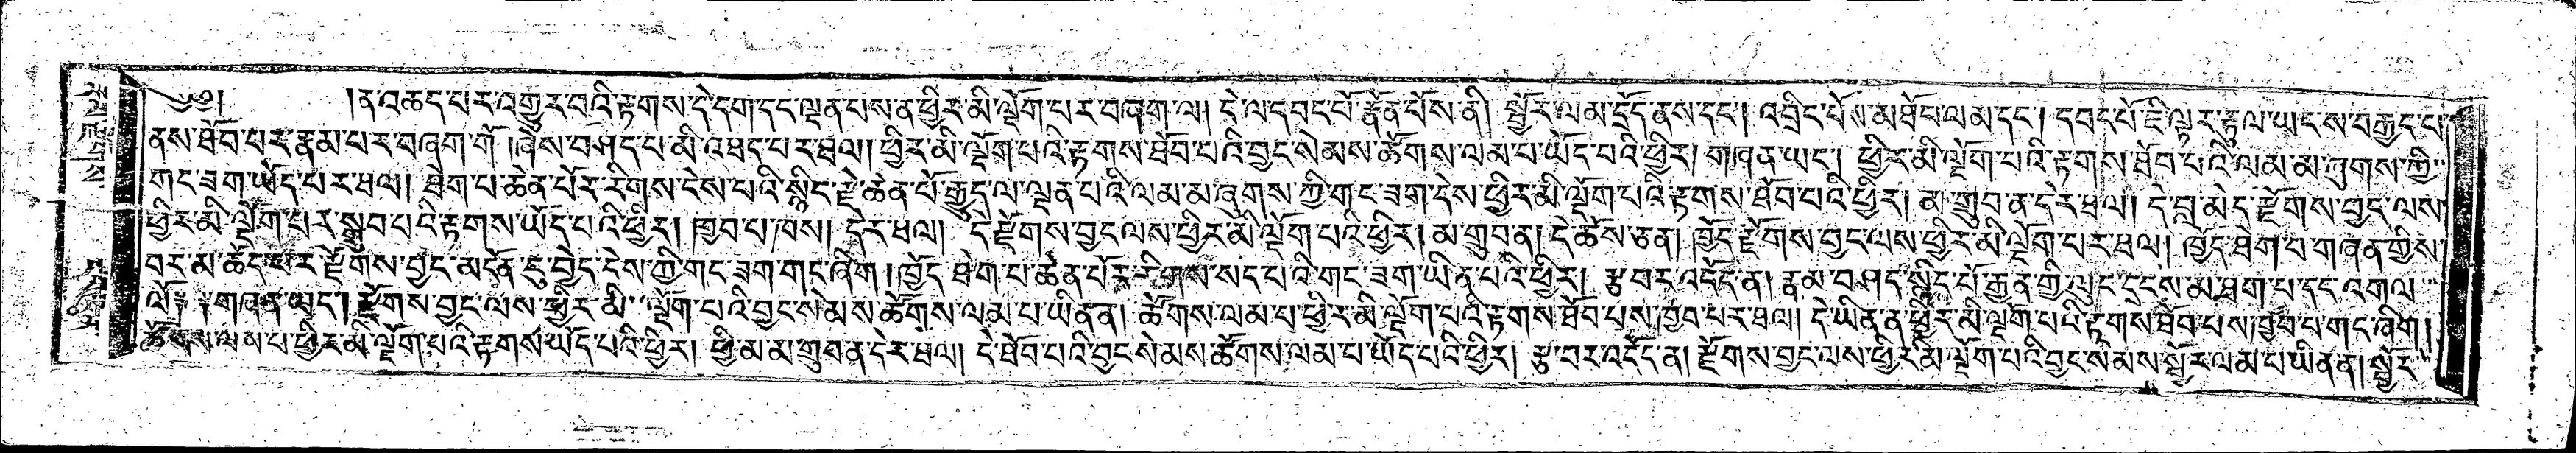༄༅། །ན་འཆད་པར་འགྱུར་བའི་རྟགས་དེ་དག་དང་ལྡན་པས་ན་ཕྱིར་མི་ལྡོག་པར་བཞག་ལ། དེ་ལ་དབང་པོ་རྣོན་པོས་ནི། སྦྱོར་ལམ་དྲོད་ནས་དང་། འབྲིང་པོས་མཐོང་ལམ་དང་། དབང་པོ་ཇི་ལྟར་རྟུལ་ཡང་ས་བརྒྱད་པ་
ནས་ཐོབ་པར་རྣམ་པར་བཞག་གོ། ཞེས་བཤད་པ་མི་འཐད་པར་ཐལ། ཕྱིར་མི་ལྡོག་པའི་རྟགས་ཐོབ་པའི་བྱང་སེམས་ཚོགས་ལམ་པ་ཡོད་པའི་ཕྱིར། གཞན་ཡང་། ཕྱིར་མི་ལྡོག་པའི་རྟགས་ཐོབ་པའི་ལམ་མ་ཞུགས་ཀྱི་
གང་ཟག་ཡོད་པར་ཐལ། ཐེག་པ་ཆེན་པོར་རིགས་ངེས་པའི་སྙིང་རྗེ་ཆེན་པོ་རྒྱུད་ལ་ལྡན་པའི་ལམ་མ་ཞུགས་ཀྱི་གང་ཟག་དེས་ཕྱིར་མི་ལྡོག་པའི་རྟགས་ཐོབ་པའི་ཕྱིར། མ་གྲུབ་ན་དེར་ཐལ། དེ་བལ་མེད་རྫོགས་བྱང་ལས་
ཕྱིར་མི་ལྡོག་པར་སྒྲུབ་པའི་རྟགས་ཡོད་པའི་ཕྱིར། ཁྱབ་པ་ཁས། དེར་ཐལ། དེ་རྫོགས་བྱང་ལས་ཕྱིར་མི་ལྡོག་པའི་ཕྱིར། མ་གྲུབ་ན། དེ་ཆོས་ཅན། ཁྱོད་རྫོགས་བྱང་ལས་ཕྱིར་མི་ལྡོག་པར་ཐལ། ཁྱོད་ཐེག་པ་གཞན་གྱིས་
བར་མ་ཆོད་པར་རྫོགས་བྱང་མངོན་དུ་བྱེད་ངེས་ཀྱི་གང་ཟག་གང་ཞིག། ཁྱོད་ཐེག་པ་ཆེན་པོར་རིགས་སད་པའི་གང་ཟག་ཡིན་པའི་ཕྱིར། རྩ་བར་འདོད་ན། རྣམ་བཤད་སྙིང་པོ་རྒྱན་གྱི་ལུང་དྲངས་མ་ཐག་པ་དང་འགལ་
ལོ༑ ༑གཞན་ཡང་། རྫོགས་བྱང་ལས་ཕྱིར་མི་ལྡོག་པའི་བྱང་སེམས་ཚོགས་ལམ་པ་ཡིན་ན། ཚོགས་ལམ་པ་ཕྱིར་མི་ལྡོག་པའི་རྟགས་ཐོབ་པས་ཁྱབ་པར་ཐལ། དེ་ཡིན་ན་ཕྱིར་མི་ལྡོག་པའི་རྟགས་ཐོབ་པས་ཁྱབ་པ་གང་ཞིག།
ཚོགས་ལམ་པ་ཕྱིར་མི་ལྡོག་པའི་རྟགས་ཡོད་པའི་ཕྱིར། ཕྱི་མ་མ་གྲུབ་ན་དེར་ཐལ། དེ་ཐོབ་པའི་བྱང་སེམས་ཚོགས་ལམ་པ་ཡོད་པའི་ཕྱིར། རྩ་བར་འདོད་ན། རྫོགས་བྱང་ལས་ཕྱིར་མི་ལྡོག་པའི་བྱང་སེམས་སྦྱོར་ལམ་པ་ཡིན་ན། སྦྱོར་